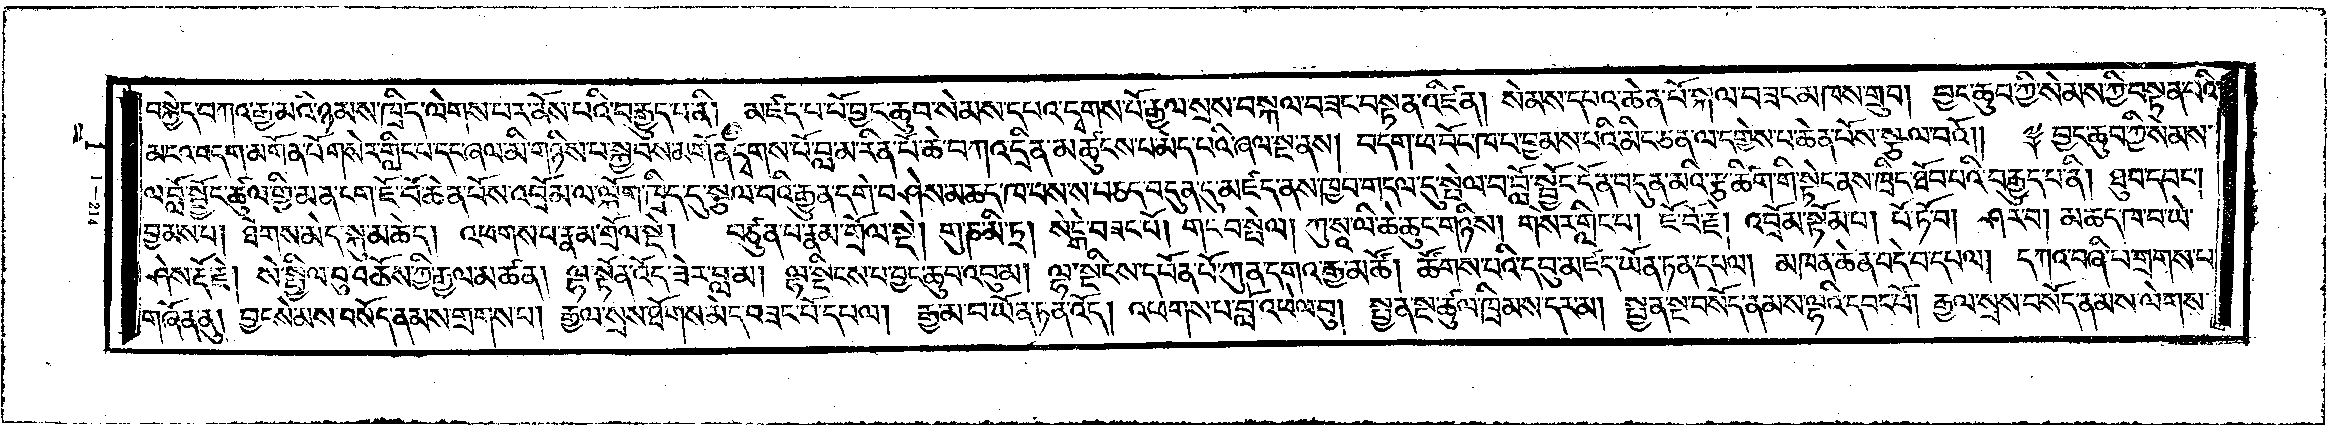བསྐྱེད་བཀའ་རྒྱ་མའི་ཉམས་ཁྲིད་ལེགས་པར་ནོས་པའི་བརྒྱུད་པ་ནི། མཛད་པ་པོ་བྱང་ཆུབ་སེམས་དཔའ་དྭགས་པོ་རྒྱལ་སྲས་བསྐལ་བཟང་བསྟན་འཛིན། སེམས་དཔའ་ཆེན་པོ་སྐལ་བཟང་མཁས་གྲུབ། བྱང་ཆུབ་ཀྱི་སེམས་ཀྱི་བསྟན་པའི་
མངའ་བདག་མགོན་པོ་གསེར་གླིང་པ་དང་ཞལ་མི་གཉིས་པ་སྐྱབས་མགོན་དྭགས་པོ་བླ་མ་རིན་པོ་ཆེ་བཀའ་དྲིན་མཚུངས་པ་མེད་པའི་ཞལ་སྔ་ནས། བདག་ཕ་བོང་ཁ་པ་བྱམས་པའི་མིང་ཅན་ལ་དགྱེས་པ་ཆེན་པོས་སྩལ་བའོ།། འ་བྱང་ཆུབ་ཀྱི་སེམས་
ལ་བློ་སྦྱོང་ཚུལ་གྱི་མན་ངག་ཇོ་བོ་ཆེན་པོས་འབྲོམ་ལ་ལྐོག་ཁྲིད་དུ་སྩལ་བའི་རྒྱུན་དགེ་བཤེས་མཆད་ཁ་བས་ས་བཅད་བདུན་དུ་མཛད་ནས་ཁྱབ་གདལ་དུ་སྤེལ་བ་བློ་སྦྱོང་དོན་བདུན་མའི་རྩ་ཚིག་གི་སྟེང་ནས་ཁྲིད་ཐོབ་པའི་བརྒྱུད་པ་ནི། ཐུབ་དབང་།
བྱམས་པ། ཐེགས་མེད་སྐུ་མཆེད། འཕགས་པ་རྣམ་གྲོལ་སྡེ། བཙུན་པ་རྣམ་གྲོལ་སྡེ། གུ་ཎ་མི་ཏྲ། སེངྒེ་བཟང་པོ། གང་བ་སྤེལ། ཀུ་སཱ་ལི་ཆེ་ཆུང་གཉིས། གསེར་གླིང་པ། ཇོ་བོ་རྗེ། འབྲོམ་སྟོམ་པ། པོ་ཏོ་བ། ཤར་བ། མཆད་ཁ་བ་ཡེ་
ཤེས་རྡོ་རྗེ། སེ་སྤྱིལ་བུ་བྖོས་ཀྱི་རྒྱལ་མཚན། ལྷ་སྟོན་འོད་ཟེར་བླ་མ། ལྷ་སྡིངས་པ་བྱང་ཆུབ་འབུམ། ལྷ་སྡིངས་དཔོན་པོ་ཀུན་དགའ་རྒྱ་མཚོ། ཚོགས་པའི་དབུ་མཛད་ཡོན་ཏན་དཔལ། མཁན་ཆེན་བདེ་བ་དཔལ། དཀའ་བཞི་པ་གྲགས་པ་
གཞོན་ནུ། བྱང་སེམས་བསོད་ནམས་གྲགས་པ། རྒྱལ་སྲས་ཐོགས་མེད་བཟང་པོ་དཔལ། རྒྱ་མ་བ་ཡོན་ཏན་འོད། འཕགས་པ་བློ་འཕེལ་བུ། སྤྱན་སྔ་ཚུལ་ཁྲིམས་དར་མ། སྤྱན་སྔ་བསོད་ནམས་ལྷའི་དབང་པོ། རྒྱལ་སྲས་བསོད་ནམས་ལེགས་